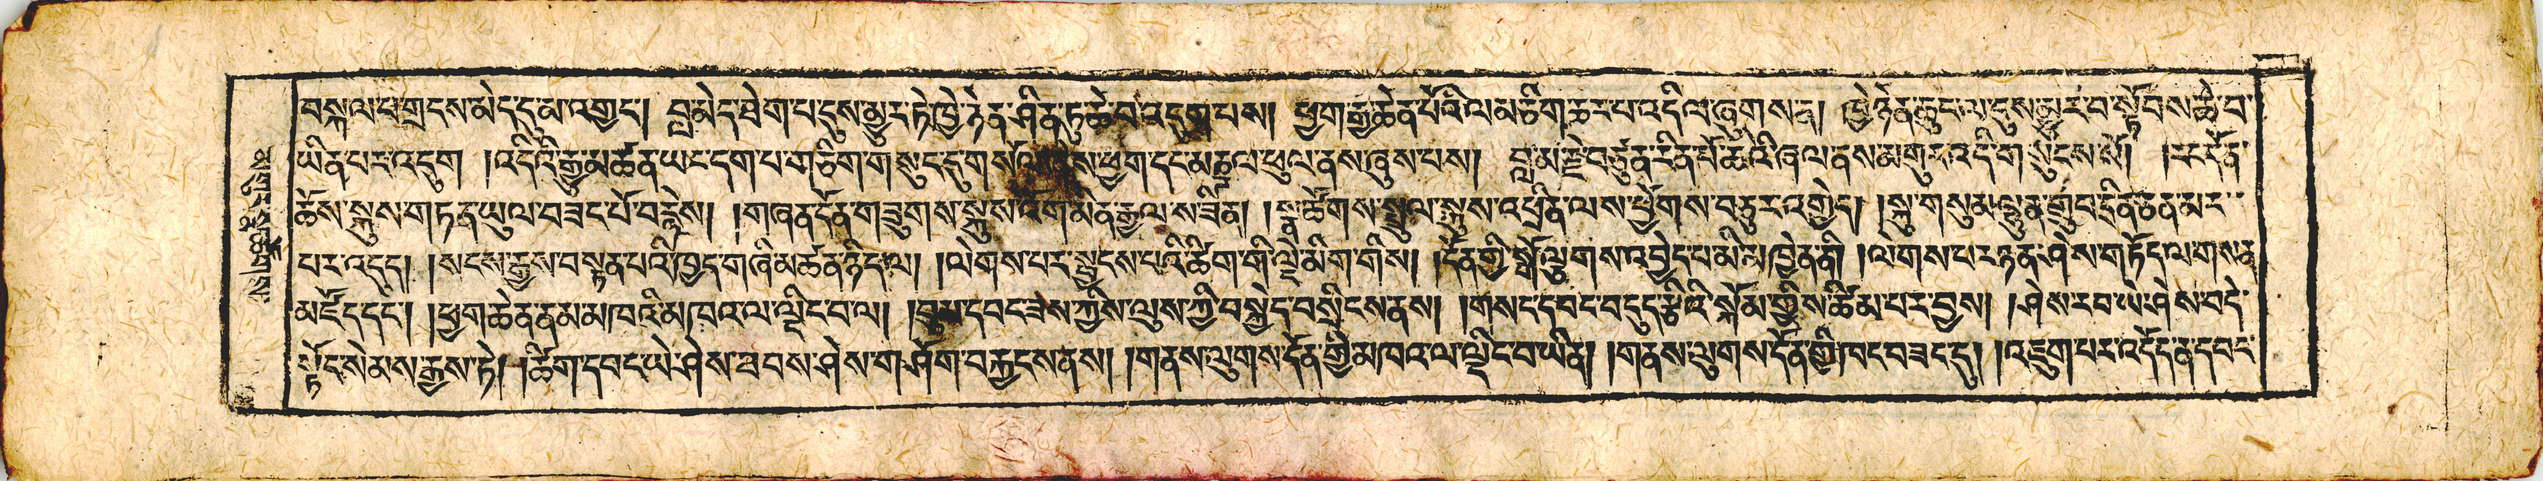བསྐལ་པ་གྲངས་མེད་དུ་མ་འགྱང་། བླ་མེད་ཐེག་པ་དུས་མྱུར་ཏེ། །ཁེ་ཉེན་ཤིན་ཏུ་ཆེ་བ་འདུག་པས། ཕྱག་རྒྱ་ཆེན་པོའི་ལམ་ཆིག་ཆར་པ་འདྲི་ལ་ཞུགས་ན། ཁེ་ཉེན་ཆུང་ལ་དུས་མྱུར་བ་སྟོབས་ཆེ་བ་
ཡིན་པར་འདུག །འདིའི་རྒྱུ་མཚན་ཡང་དག་པ་གཅིག་གསུང་དུ་གསོལ། ཞེས་ཕྱག་དང་མཎྜལ་ཕུལ་ནས་ཞུས་པས། བླ་མ་རྗེ་བཙུན་རིན་པོ་ཆེའི་ཞལ་ནས་མགུར་འདི་གསུངས་སོ། །རང་དོན་
ཆོས་སྐུས་གཏན་ཡུལ་བཟང་པོ་བརྙེས། །གཞན་དོན་གཟུགས་སྐུས་འོག་མིན་རྒྱལ་ས་ཟིན། །སྣ་ཚོགས་སྤྲུལ་སྐུས་འཕྲིན་ལས་ཕྱོགས་བཅུར་འགྱེད། །སྐུ་གསུམ་ལྷུན་གྲུབ་དྲིན་ཅན་མར་
པར་འདུད། །སངས་རྒྱས་བསྟན་པའི་ཁྱད་གཞི་མཚན་ཉིད་ལ། །ལེགས་པར་སྦྱངས་པའི་ཚིག་གི་ལྡེ་མིག་གིས། །དོན་གྱི་སྒོ་ལྕགས་འབྱེད་པ་མ་མཁྱེན་ནི། །ལེགས་པར་ཏན་ཤེས་གཏོད་ལ་གསན་
མཛོད་དང་། །ཕྱག་ཆེན་ནམ་མཁའི་མཁའ་ལ་ལྡིང་བ་ལ། །བུམ་དབང་ཟས་ཀྱིས་ལུས་ཀྱི་བསྐྱེད་བསྲིངས་ནས། །གསང་དབང་བདུད་རྩིའི་སྐོམ་གྱིས་ཚིམ་པར་བྱས། །ཤེས་རབ་ཡེ་ཤེས་བདེ་
སྟོང་སེམས་རྒྱས་ཏེ། །ཚིག་དབང་ཡེ་ཤེས་ཐབས་ཤེས་གཤོག་བརྐྱངས་ནས། །གནས་ལུགས་དོན་གྱི་མཁའ་ལ་ལྡིང་བ་ཡིན། །གནས་ལུགས་དོན་གྱི་ཁང་བཟང་དུ། །འཇུག་པར་འདོད་ན་དབང་